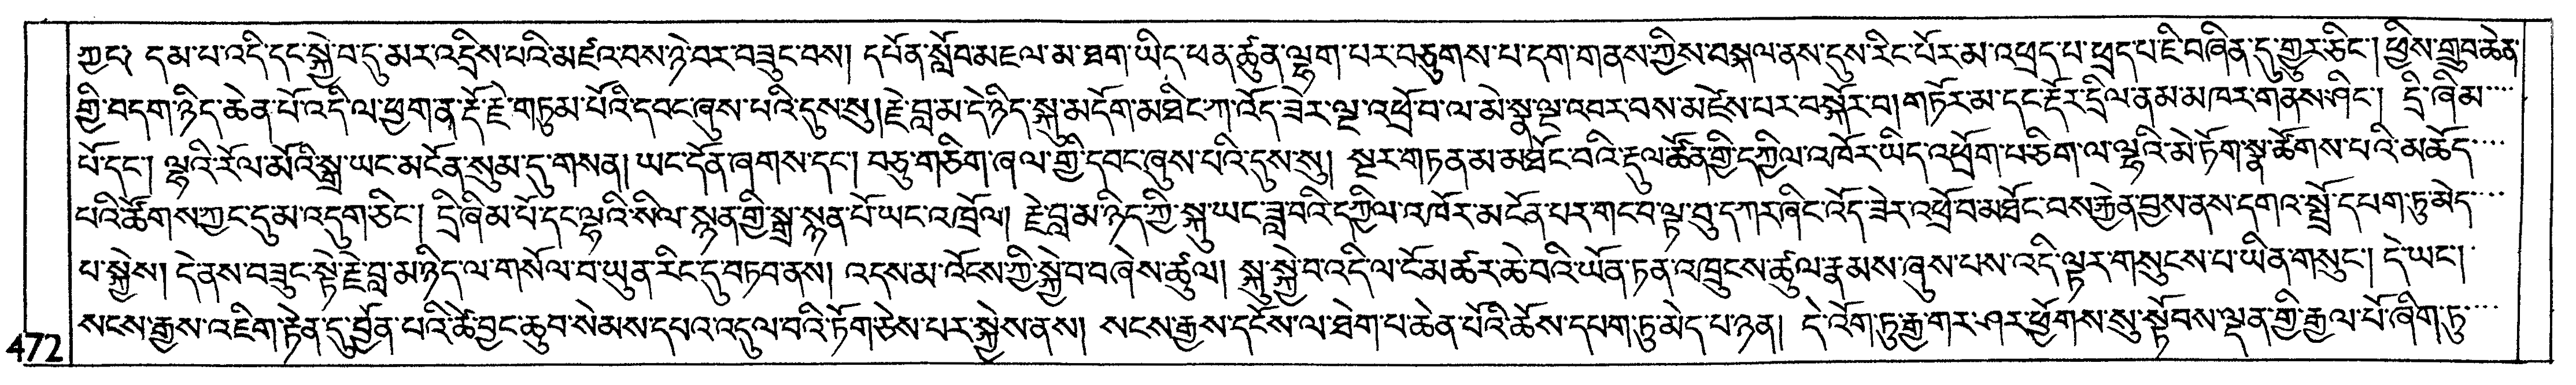ཀྱང༑ དམ་པ་འདི་དང་སྐྱེ་བ་དུ་མར་འདྲིས་པའི་མཛའ་བས་ཉེ་བར་བཟུང་བས། དཔོན་སློབ་མཇལ་མ་ཐག་ཡིད་ཕན་ཚུན་ལྷག་པར་བཅུགས་པ་དག་གནས་ཀྱིས་བསྐལ་ནས་དུས་རིང་པོར་མ་འཕྲད་པ་ཕྲད་པ་ཇི་བཞིན་དུ་གྱུར་ཅིང་། ཕྱིས་གྲུབ་ཆེན་
གྱི་བདག་ཉིད་ཆེན་པོ་འདི་ལ་ཕྱག་ན་རྡོ་རྗེ་གཏུམ་པོའི་དབང་ཞུས་པའི་དུས་སུ། རྗེ་བླ་མ་དེ་ཉིད་སྐུ་མདོག་མཐིང་ཀ་འོད་ཟེར་ལྔ་འཕྲོ་བ་ལ་མེ་སྣ་ལྔ་འབར་བས་མཛེས་པར་བསྐོར་བ། གཏོར་མ་དང་རྡོར་དྲིལ་ནམ་མཁར་གནས་ཤིང་། དྲི་ཞིམ་
པོ་དང་། ལྷའི་རོལ་མོའི་སྒྲ་ཡང་མངོན་སུམ་དུ་གསན། ཡང་དོན་ཞགས་དང་། བཅུ་གཅིག་ཞལ་གྱི་དབང་ཞུས་པའི་དུས་སུ། སྔར་གཏན་མ་མཐོང་བའི་རྡུལ་ཚོན་གྱི་དཀྱིལ་འཁོར་ཡིད་འཕྲོག་པ་ཅིག་ལ་ལྷའི་མེ་ཏོག་སྣ་ཚོགས་པའི་མཆོད་
པའི་ཚོགས་ཀྱང་དུ་མ་འདུག་ཅིང་། དྲི་ཞིམ་པོ་དང་ལྷའི་སིལ་སྙན་གྱི་སྒྲ་སྙན་པོ་ཡང་འཁྲོལ། རྗེ་བླ་མ་ཉིད་ཀྱི་སྐུ་ཡང་ཟླ་བའི་དཀྱིལ་འཁོར་མངོན་པར་གང་བ་ལྟ་བུ་དཀར་ཞིང་འོད་ཟེར་འཕྲོ་བ་མཐོང་བས་རྐྱེན་བྱས་ནས་དགའ་སྤྲོ་དཔག་ཏུ་མེད་
པ་སྐྱེས། དེ་ནས་བཟུང་སྟེ་རྗེ་བླ་མ་ཉིད་ལ་གསོལ་བ་ཡུན་རིང་དུ་བཏབ་ནས། འདས་མ་འོངས་ཀྱི་སྐྱེ་བ་བཞེས་ཚུལ། སྐུ་སྐྱེ་བ་འདི་ལ་ངོ་མཚར་ཆེ་བའི་ཡོན་ཏན་འཁྲུངས་ཚུལ་རྣམས་ཞུས་པས་འདི་ལྟར་གསུངས་པ་ཡིན་གསུང་། དེ་ཡང་།
སངས་རྒྱས་འཇིག་རྟེན་དུ་བྱོན་པའི་ཚེ་བྱང་ཆུབ་སེམས་དཔའ་འདུལ་བའི་ཏོག་ཅེས་པར་སྐྱེས་ནས། སངས་རྒྱས་དངོས་ལ་ཐེག་པ་ཆེན་པོའི་ཆོས་དཔག་ཏུ་མེད་པ་ཉན། དེ་འོག་ཏུ་རྒྱ་གར་ཤར་ཕྱོགས་སུ་སྟོབས་ལྡན་གྱི་རྒྱལ་པོ་ཞིག་ཏུ་